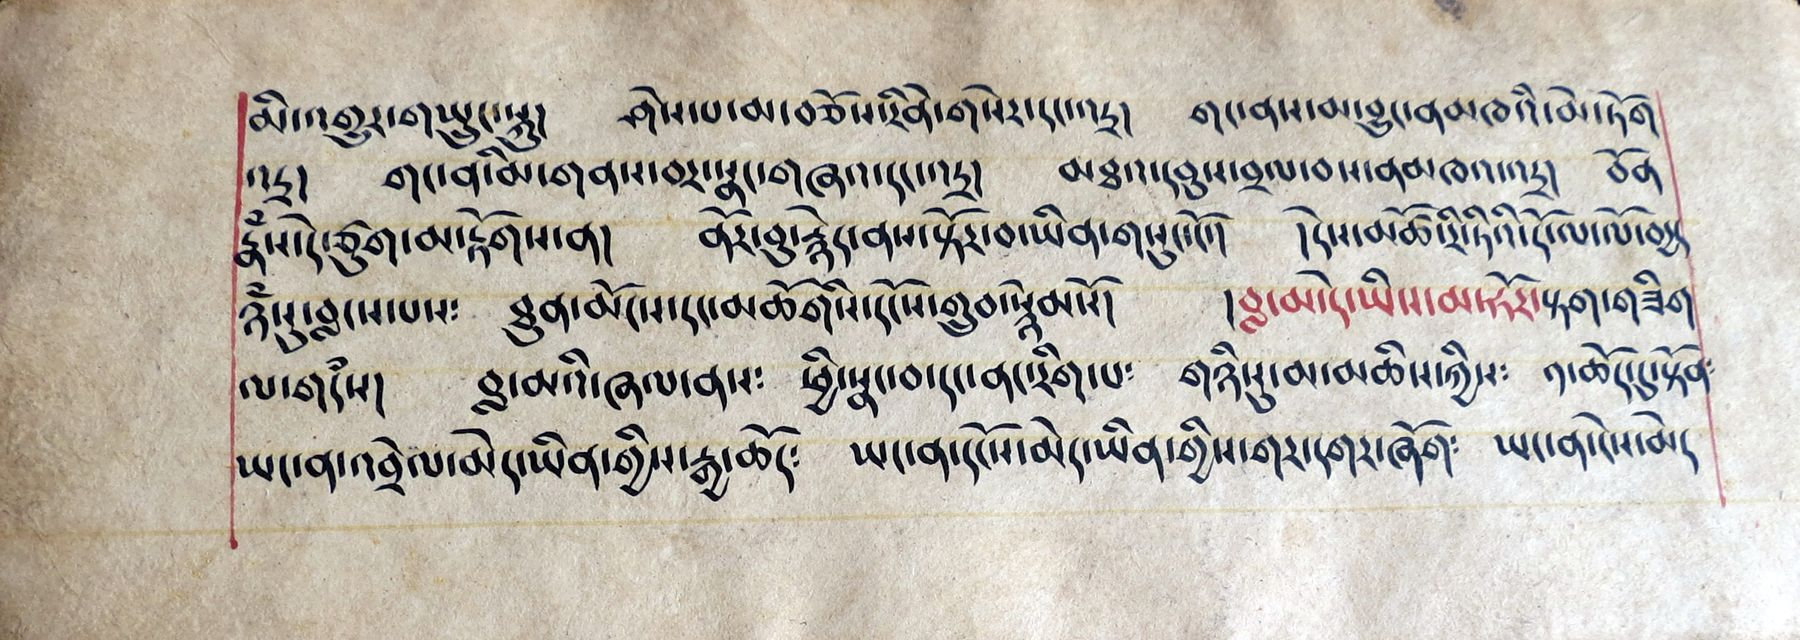པས་མི་འགྱུར་གཡུང་དྲུང་སྐུ། ཤེས་པ་མ་བཅོས་རིན་ཆེན་གསེར་དང་འདྲ། གང་ནས་མ་བྱུང་ནམ་མཁའི་མེ་ཏོག་
འདྲ། གང་ན་མི་གནས་བར་སྣང་གཞའ་དང་འདྲ། མཐའ་དབུས་བྲལ་བས་ནམ་མཁའ་འདྲ། བོན་
རྣམས་དེ་ལྟར་མ་རྟོགས་ན། ནོར་བུ་རིན་ཆེན་རྙེད་ནས་སྟོར་བ་ཡིན་གསུང་ངོ་། །དེས་མཚོ་རིའི་དོ་ལ། ལོ་བརྒྱད་
ཉམས་སུ་བླངས་པས། ཐུན་མོང་དང་མཆོག་གི་དངོས་གྲུབ་བསྙེམས་སོ། །བླ་མ་དེ་ཡིས་མ་ཧོར་སྟག་གཟིག་
ལ་གདམས། བླ་མའི་ཞལ་ནས། ཕྱི་སྣང་བ་དང་ནང་རིག་པ་གཉིས་སུ་མ་མཆིས་ཀྱིས། གཅིག་ཆོད་དུ་སྟོན། 
ཡང་ན་འབྲེལ་མེད་ཡིན་གྱིས་རྒྱ་ཆོད། ཡང་ན་དངོས་མེད་ཡིན་གྱིས་གང་དགར་ཞོག ཡང་ན་ངེས་མེད་